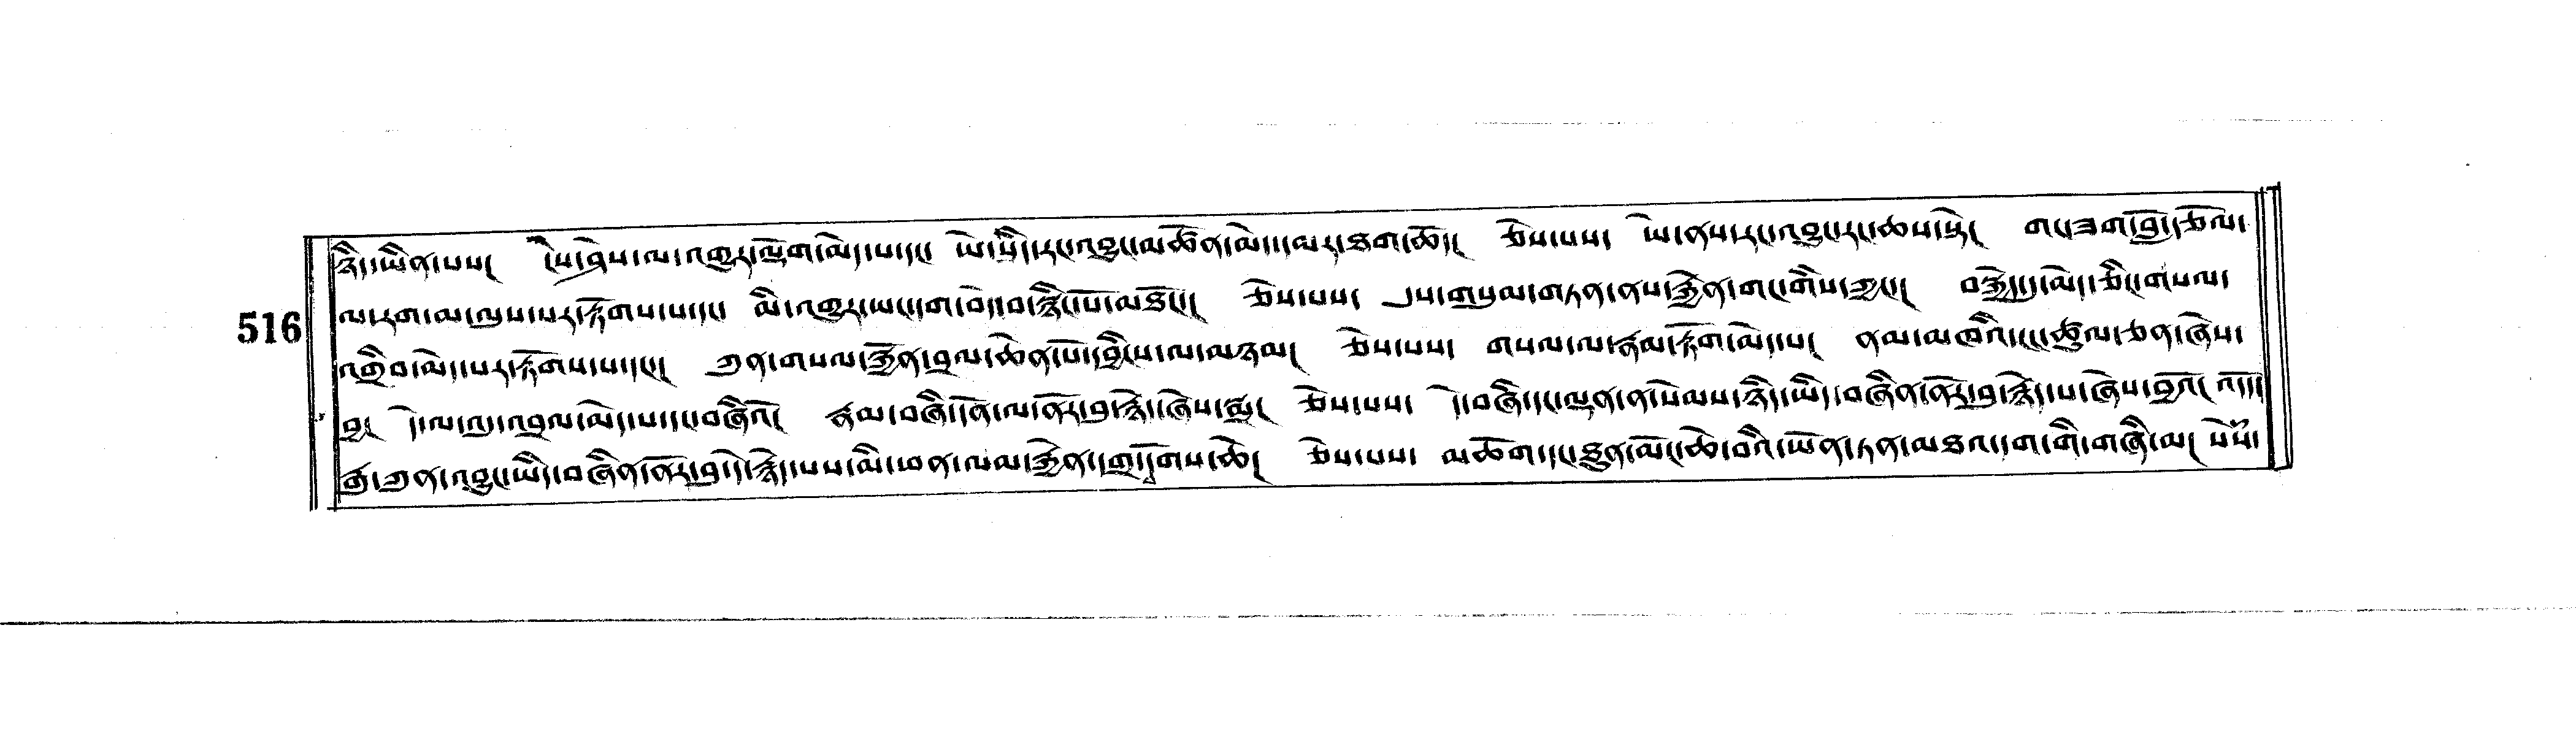ཉིད་ཡིན་པས། ངེས་ཤེས་ལ་འགྱུར་ལྡོག་མེད་པ་དང་། ཡེ་སྲིད་རང་འབྱུང་མཚོན་མེད་དམར་ཐག་ཆོད། ཡེ་ནས་རང་འབྱུང་རང་ཆས་ཏེ། གང་ཟག་བློ་རྩོལ་
ལ་རག་མ་ལུས་པར་རྟོགས་པ་དང་། མི་འགྱུར་ཡང་དག་བདེ་བ་སྙིང་པོ་མཐོང་། ཅེས་པས། དུས་གསུམ་གཏན་ནས་རྐྱེན་གང་གིས་ཀྱང་བསྐྱེད་དུ་མེད་ཅིང་གསལ་
འགྲིབ་མེད་པར་རྟོགས་པ་དང་། ཀུན་གསལ་སྐྱོན་བྲལ་ཆེན་པོ་དབྱིངས་ལ་མཉམ། ཅེས་པས། གསལ་ལ་རྣམ་རྟོག་མེད་པ། ནམ་མཁའི་ངང་ཚུལ་ཅན་ཞེས་
བྱ། དེ་ལ་འདུ་འབྲལ་མེད་པ་དང་བཞིའོ། རྣམ་བཞི་དོན་ལ་ནོར་བུ་རྙེད་ཞེས་སྨྲ། ཅེས་པས། དེ་བཞི་དང་ལྡན་ན་སེམས་ཉིད་ཡིད་བཞིན་ནོར་བུ་རྙེད་པ་ཞེས་བྱའོ། འདོད་
རྒུ་ཀུན་འབྱུང་ཡིད་བཞིན་ནོར་བུ་དེ་རྙེད་པས་མི་ཕན་ལམ་རྐྱེན་དགྲ་དྭོགས་ཆེ། ཅེས་པས། མཆོག་དང་ཐུན་མོང་ཆེ་བའི་ཡོན་ཏན་མཐའ་དག་གི་གཞི་མ་སེམས། སེམས་